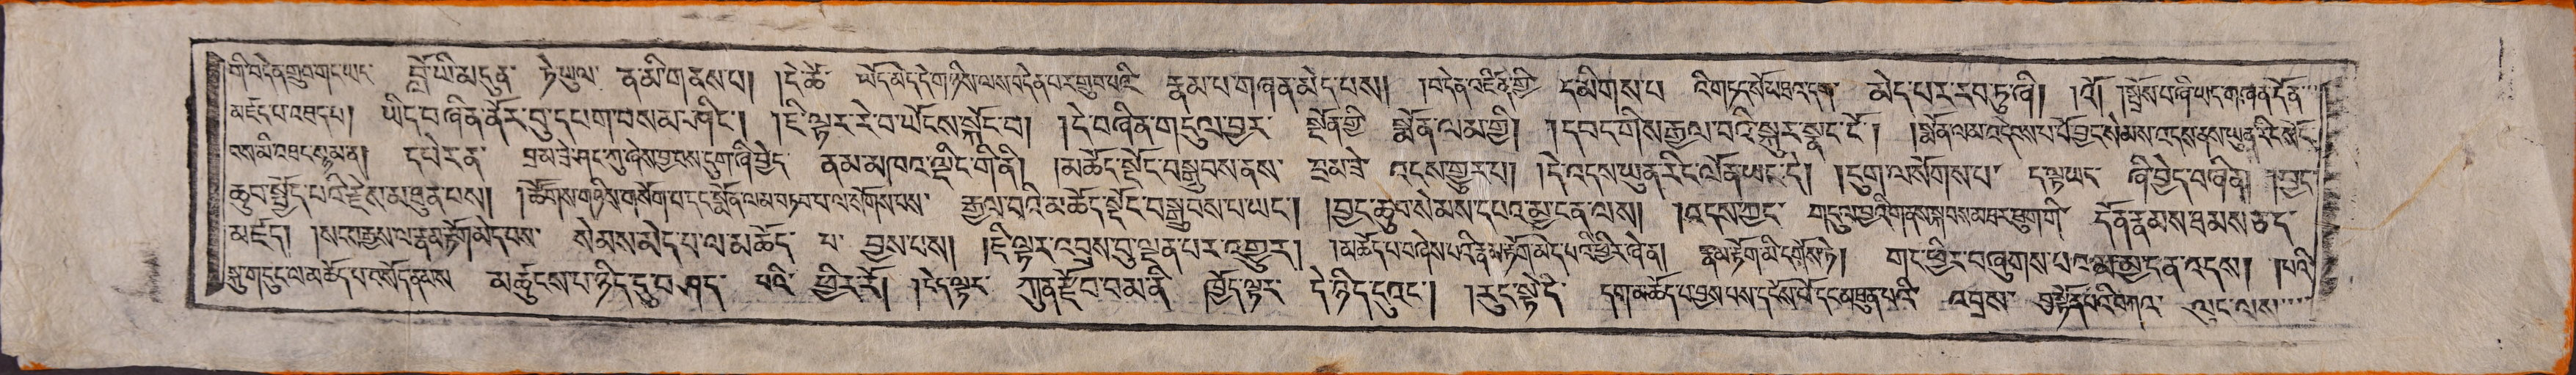གི་བདེན་གྲུབ་གང་ཡང་བློ་ཡི་མདུན་ཏེ་ཡུལ་ན་མི་གནས་པ། །དེ་ཚེ་ཡོད་མེད་དེ་གཉིས་ལས་བདེན་པར་གྲུབ་པའི་རྣམ་པ་གཞན་མེད་པས། །བདེན་འཛིན་གྱི་དམིགས་པའི་གཏད་སོ་མཐའ་དག་མེད་པར་རབ་ཏུ་ཞི། །འོ། །སྤྲོས་པ་ཞི་ཡང་གཞན་དོན་
མཛད་པ་འཐད་པ། ཡིད་བཞིན་ནོར་བུ་དཔག་བསམ་ཤིང་། །ཇི་ལྟར་རེ་བ་ཡོངས་སྐོང་བ། །དེ་བཞིན་གདུལ་བྱར་སྔོན་གྱི་སྨོན་ལམ་གྱི། །དབང་གིས་རྒྱལ་བའི་སྐུར་སྣང་ངོ། །སྨོན་ལམ་འདེབས་པ་པོ་བྱང་སེམས་འདས་ནས་ཡུན་རིང་སོང་
བས་མི་འཐད་སྙམ་ན། དཔེར་ན་བྲམ་ཟེ་ཤང་ཀུ་ཞེས་བྱ་བས་དུག་ཞི་བྱེད་ནམ་མཁའ་ལྡིང་གི་ནི། །མཆོད་སྡོང་བསྒྲུབས་ནས་བྲམ་ཟེ་འདས་གྱུར་པ། །དེ་འདས་ཡུན་རིང་ལོན་ཡང་དེ། །དུག་ལ་སོགས་པ་ད་ལྟ་ཡང་ཞི་བྱེད་བཞིན། །བྱང་
ཆུབ་སྤྱོད་པའི་རྗེས་མཐུན་པས། །ཚོགས་གཉིས་གསོག་པ་དང་སྨོན་ལམ་བཏབ་པ་ལ་སོགས་པས་རྒྱལ་བའི་མཆོད་སྡོང་བསྒྲུབས་པ་ཡང་། །བྱང་ཆུབ་སེམས་དཔའ་མྱ་ངན་ལས། །འདས་ཀྱང་གདུལ་བྱའི་གནས་སྐབས་མཐར་ཐུག་གི་དོན་རྣམས་ཐམས་ཅད་
མཛད། །སངས་རྒྱས་ལ་རྣམ་རྟོག་མེད་པས་སེམས་མེད་པ་ལ་མཆོད་བ་བྱས་པས། །ཇི་ལྟར་འབྲས་བུ་ལྡན་པར་འགྱུར། །མཆོད་པ་བཞེས་པའི་རྣམ་རྟོག་མེད་པའི་ཕྱིར་ཞེ་ན། རྣམ་རྟོག་མི་དགོས་ཏེ།  གང་ཕྱིར་བཞུགས་པའམ་མྱ་ངན་འདས། །པའི་
སྐུ་གདུང་ལ་མཆོད་པ་བསོད་ནམས་མཚུངས་པ་ཉིད་དུ་བཤད་པའི་ཕྱིར་རོ། །ངེད་ལྟར་ཀུན་རྫོབ་བམ་ནི་ཁྱོད་ལྟར་དེ་ཉིད་དུའང་། །རུང་སྟེ་དེ་དག་མཆོད་པ་བྱས་པས་དངོས་པོ་དང་མཐུན་པའི་འབྲས་བུ་སྟོན་པའི་བཀའ་ལུང་ལས་